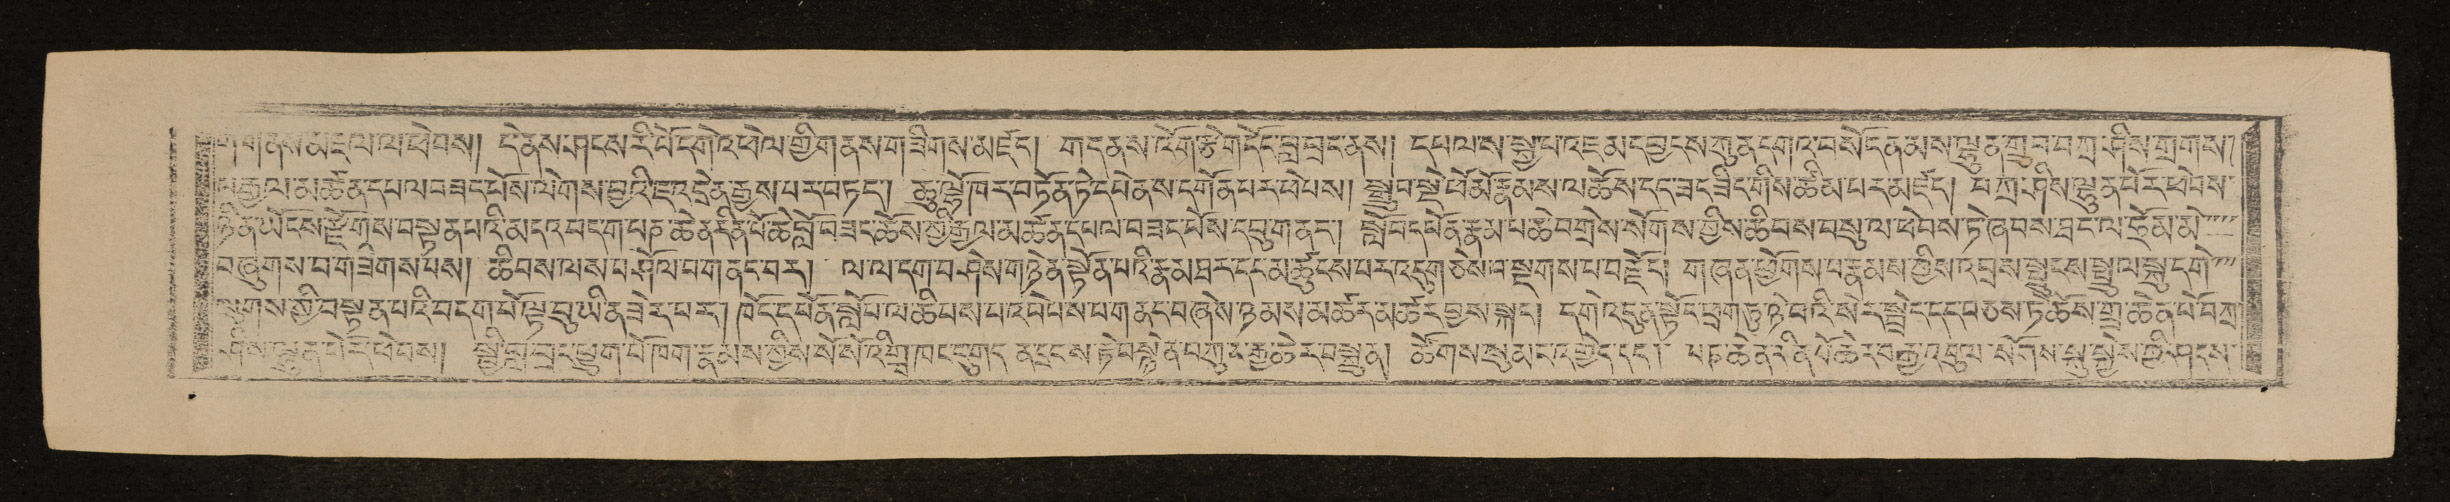གི་གནས་མཇལ་ལ་ཕེབས། དེ་ནས་ཤངས་རི་བོ་དགེ་འཕེལ་གྱི་གནས་གཟིགས་མཛད། གདན་ས་འོག་རྩེ་གདོང་བླ་བྲང་ནས། དཔལ་ས་སྐྱ་པ་འཇམ་དབྱངས་ཀུན་དགའ་བསོད་ནམས་ལྷུན་གྲུབ་བཀྲ་ཤིས་གྲགས་
པ་རྒྱལ་མཚན་དཔལ་བཟང་པོས་ལེགས་བྱའི་ཇ་འདྲེན་རྒྱས་པར་བཏང་། ཆུ་ལྷོ་ཁར་བཏོན་ཏེ་དབེན་ས་དགོན་པར་ཕེབས། སྒྲུབ་སྡེ་ཕོ་མོ་རྣམས་ལ་ཆོས་དང་ཟང་ཟིང་གིས་ཚིམ་པར་མཛད། བཀྲ་ཤིས་ལྷུན་པོར་ཕེབས་
ཉིན་ཡོངས་རྫོགས་བསྟན་པའི་མངའ་བདག་པཎ་ཆེན་རིན་པོ་ཆེ་བློ་བཟང་ཆོས་ཀྱི་རྒྱལ་མཚན་དཔལ་བཟང་པོས་དབུ་གནང་། སློབ་དཔོན་རྣམ་པ་ཆེ་བགྲེས་སོགས་ཀྱིས་ཆིབས་བསུ་ལ་ཕེབས་ཏེ་ཞབས་ཐང་ལ་ཧྲོམ་མེ་
བཞུགས་པ་གཟིགས་པས། ཆིབས་ལས་བཤོལ་བ་གནང་བར། ལ་ལ་དག་བཤེས་གཉེན་སྟོན་པའི་རྣམ་ཐར་དང་མཚུངས་པར་འདུག་ཅེས་བསྔགས་པ་བརྗོད། གཞན་ཕྱོགས་པ་རྣམས་ཀྱིས་འབྲས་སྤུངས་སྤྲུལ་སྐུ་དགེ་
ལུགས་ཀྱི་བསྟན་པའི་བདག་པོ་ལྟ་བུ་ཡིན་ཟེར་བར། ཁོང་དཔོན་སློབ་ལ་ཆིབས་པ་འབེབས་པ་གནང་བ་ཞེས་ཉམས་མཚར་མཚར་བྱས་སྐད། དགེ་འདུན་སྟོང་ཕྲག་ཏུ་ཉེ་བའི་སེར་སྦྲེང་དང་བཅས་ཏེ་ཆོས་གྲྭ་ཆེན་པོ་བཀྲ་
ཤིས་ལྷུན་པོར་ཕེབས། སྤྱི་བླ་བྲང་ཕྱུག་པོ་ཁག་རྣམས་ཀྱིས་སོ་སོའི་གྲྭ་ཁང་དུ་གདན་དྲངས་ཏེ་བསྙེན་བཀུར་རྒྱ་ཆེར་བསྐྲུན། ཚོགས་སུ་མང་འགྱེད་དང་། པཎ་ཆེན་རིན་པོ་ཆེར་བརྒྱ་འབུལ་སོགས་སྐུ་སྐྱེས་ཀྱི་ཤངས་